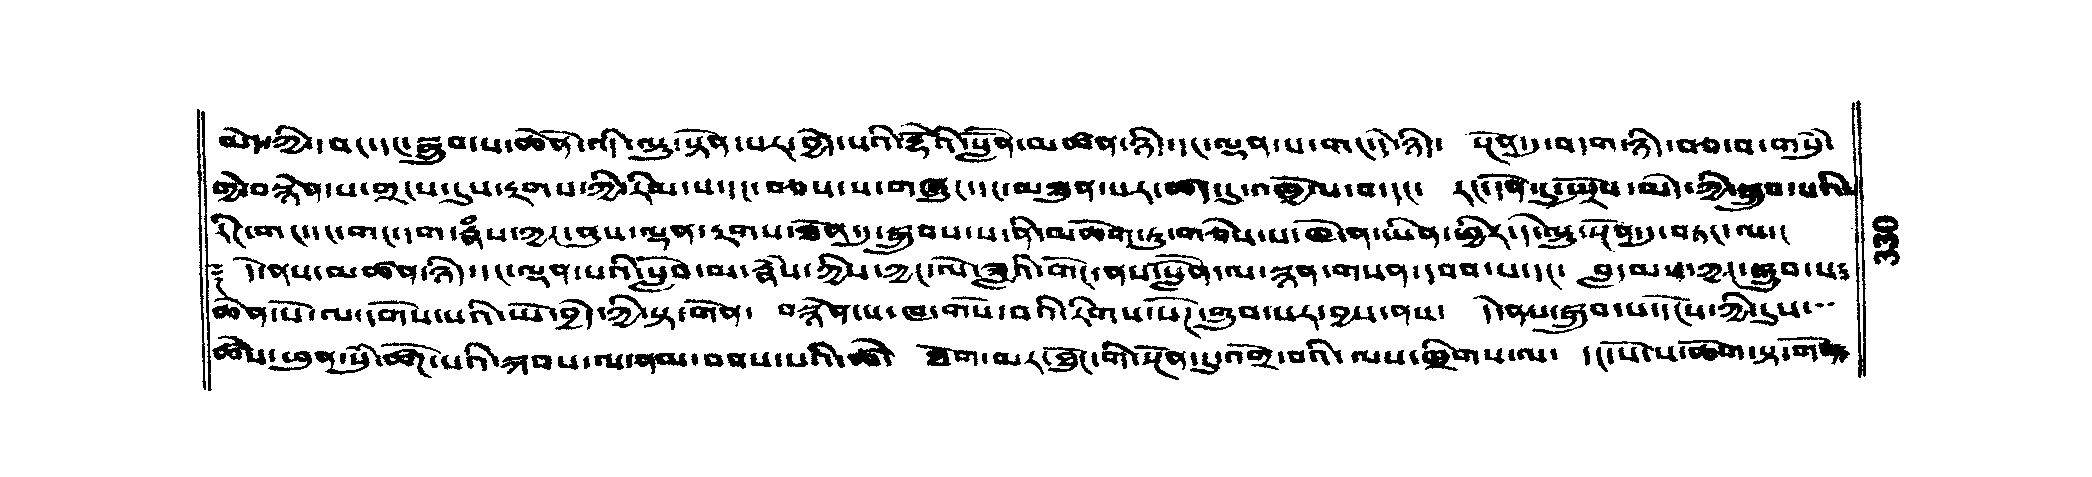མེད་ཀྱི་དབང་དང་སྒྲུབ་པ་ཆེན་པོ་འདི་ལྟ་བུ་སྟོན་པར་བྱེད་པའི་རྡོ་རྗེའི་སློབ་དཔོན་མཚན་ཉིད་དང་ལྡན་པ་གང་དེ་ཉིད། སྔོན་དུ་བདག་ཉིད་རྩ་བ་གསུམ་
གྱི་བསྙེན་པ་གྲངས་དུས་རྟགས་ཀྱི་རིམ་པ་དང་བཅས་པ་གཞུང་དང་མཐུན་པར་ཚད་དུ་འཁྱོལ་བ་དང་། རང་དོན་དུ་སྤྲོས་མེད་ཀྱི་སྒྲུབ་པའི་
རིགས་གང་དང་གང་དག་རྣམས་་ཀྱང་ནུས་ལྡན་རྟགས་ཐོན་དུ་སྒྲུབས་པ་ནི་གཅེས་པ་ཁོ་ན་ཡིན་ཕྱིར་དེ་ལྟ་བུ་སྔཽན་དུ་བཏགས་ལ། 
 ༈ དེ་ནས་མཚན་ཉིད་དང་ལྡན་པའི་སློབ་མ་རྣམས་ཀྱིས་ཀྱང་ལོ་ཟླའོ་གོང་ནས་སློབ་དཔོན་ལ་སྙན་གསན་དབབ་པ་དང་། བླ་མས་ཀྱང་སྒྲུབ་པ་
ཆེན་པོ་ལ་དགོས་པའོ་ཡོ་བྱད་ཀྱི་སྟ་གོན།བསྙེན་པ་ཁ་གསོ་བའི་རིགས་སོགས་གྲུབ་པར་བྱས་ལ། དེ་ནས་སྒྲུབ་པ་དངོས་ཀྱི་དུས་
ཚེས་ཕུན་སུམ་ཚོགས་པའི་སྐབས་ལ་ནམ་བབས་པའི་ཚེ། ཐོག་མར་ཐུན་མོང་གི་སྔོན་དུ་འགྲོ་བའི་ལས་ཁྲིགས་ལ། དང་པོ་ས་ཆོག་སྟ་གོན་